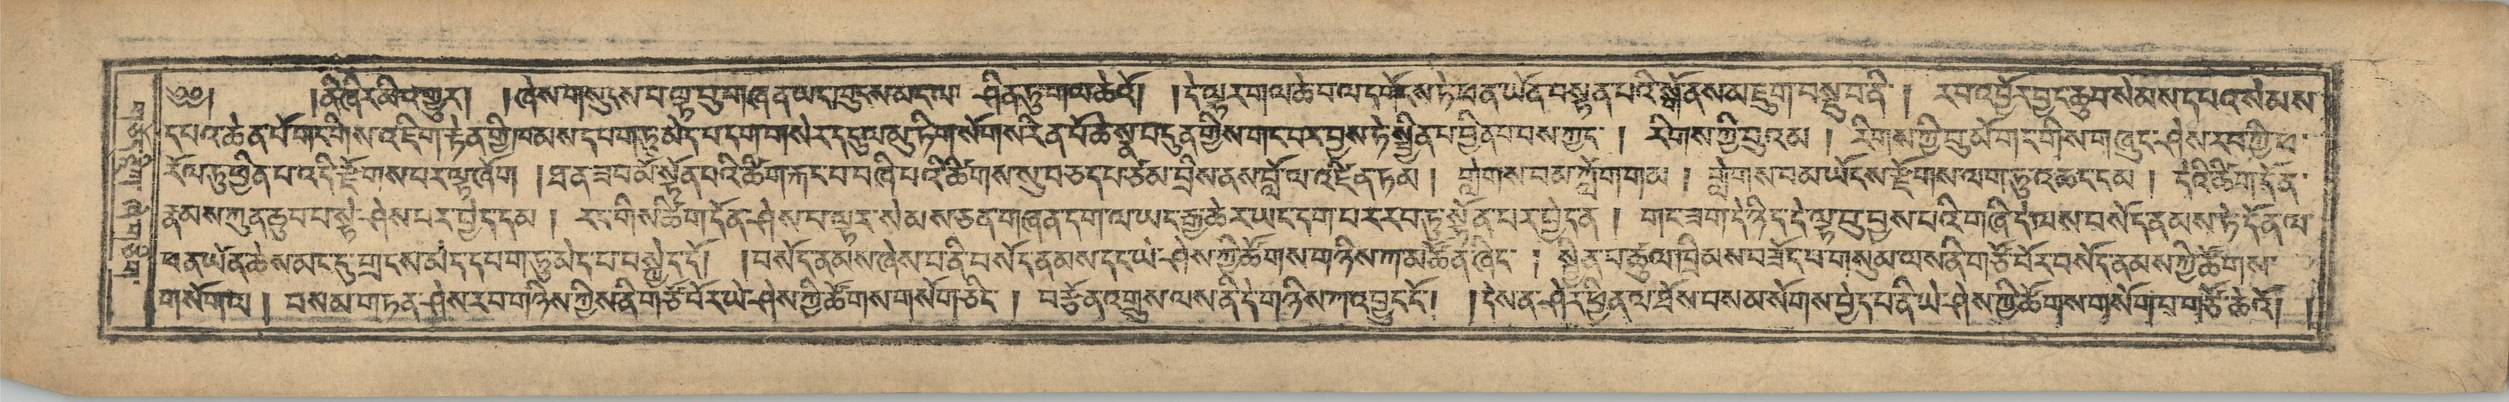༄༅། །ནི་ཞིར་མི་འགྱུར། །ཞེས་གསུངས་པ་ལྟ་བུ་གཞན་ཡང་ཁུངས་མང་ལ་ཤིན་ཏུ་གལ་ཆེའོ། །དེ་ལྟར་གལ་ཆེ་བ་ལ་དགོངས་ཏེ་ཕན་ཡོན་བསྟན་པའི་སྒོ་ནས་མཇུག་བསྡུ་བ་ནི། རབ་འབྱོར་བྱང་ཆུབ་སེམས་དཔའ་སེམས་
དཔའ་ཆེན་པོ་གང་གིས་འཇིག་རྟེན་གྱི་ཁམས་དཔག་ཏུ་མེད་པ་དག་གསེར་དངུལ་མུ་ཏིག་སོགས་རིན་པོ་ཆེ་སྣ་བདུན་གྱིས་གང་བར་བྱས་ཏེ་སྦྱིན་པ་བྱིན་པ་བས་ཀྱང་། རིགས་ཀྱི་བུའམ། རིགས་གྱི་བུ་མོ་གང་གིས་གཞུང་ཤེས་རབ་ཀྱི་ཕ་
རོལ་ཏུ་ཕྱིན་པ་འདི་རྫོགས་པར་ལྟ་ཞིག །ཐ་ན་ཟབ་མོ་སྟོན་པའི་ཚིག་རྐང་པ་བཞི་པའི་ཚིགས་སུ་བཅད་པ་ཙམ་བྲིས་ནས་བློ་ལ་འཛིན་ཏམ། གླེགས་བམ་ཀློག་གམ། གླེགས་བམ་ཡོངས་རྫོགས་ལག་ཏུ་འཆང་ངམ། དེའི་ཚིག་དོན་
རྣམས་ཀུན་ཆུབ་པ་སྟེ་ཤེས་པར་བྱེད་དམ། རང་གིས་ཚིག་དོན་ཤེས་པ་ལྟར་སེམས་ཅན་གཞན་དག་ལ་ཡང་རྒྱ་ཆེར་ཡང་དག་པར་རབ་ཏུ་སྟོན་པར་བྱེད་ན། གང་ཟག་དེ་ཉིད་དེ་ལྟ་བུ་བྱས་པའི་གཞི་དེ་ལས་བསོད་ནམས་ཏེ་དོན་ལ་
ཕན་ཡོན་ཆེས་མང་དུ་གྲངས་མེད་དཔག་ཏུ་མེད་པ་བསྐྱེད་དོ། །བསོད་ནམས་ཞེས་པ་ནི་བསོད་ནམས་དང་ཡེ་ཤེས་ཀྱི་ཚོགས་གཉིས་ག་མཚོན་ཞིང་། སྦྱིན་པ་ཚུལ་ཁྲིམས་བཟོད་པ་གསུམ་ལས་ནི་གཙོ་བོར་བསོད་ནམས་ཀྱི་ཚོགས་
གསོག་ལ། བསམ་གཏན་ཤེས་རབ་གཉིས་ཀྱིས་ནི་གཙོ་བོར་ཡེ་ཤེས་ཀྱི་ཚོགས་གསོག་ཅིང་། བརྩོན་འགྲུས་ལས་ནི་དེ་གཉིས་ཀ་འབྱུང་ངོ། །དེས་ན་ཤེར་ཕྱིན་ལ་ཐོས་བསམ་སོགས་བྱེད་པ་ནི་ཡེ་ཤེས་ཀྱི་ཚོགས་གསོག་པ་གཙོ་ཆེའོ། །